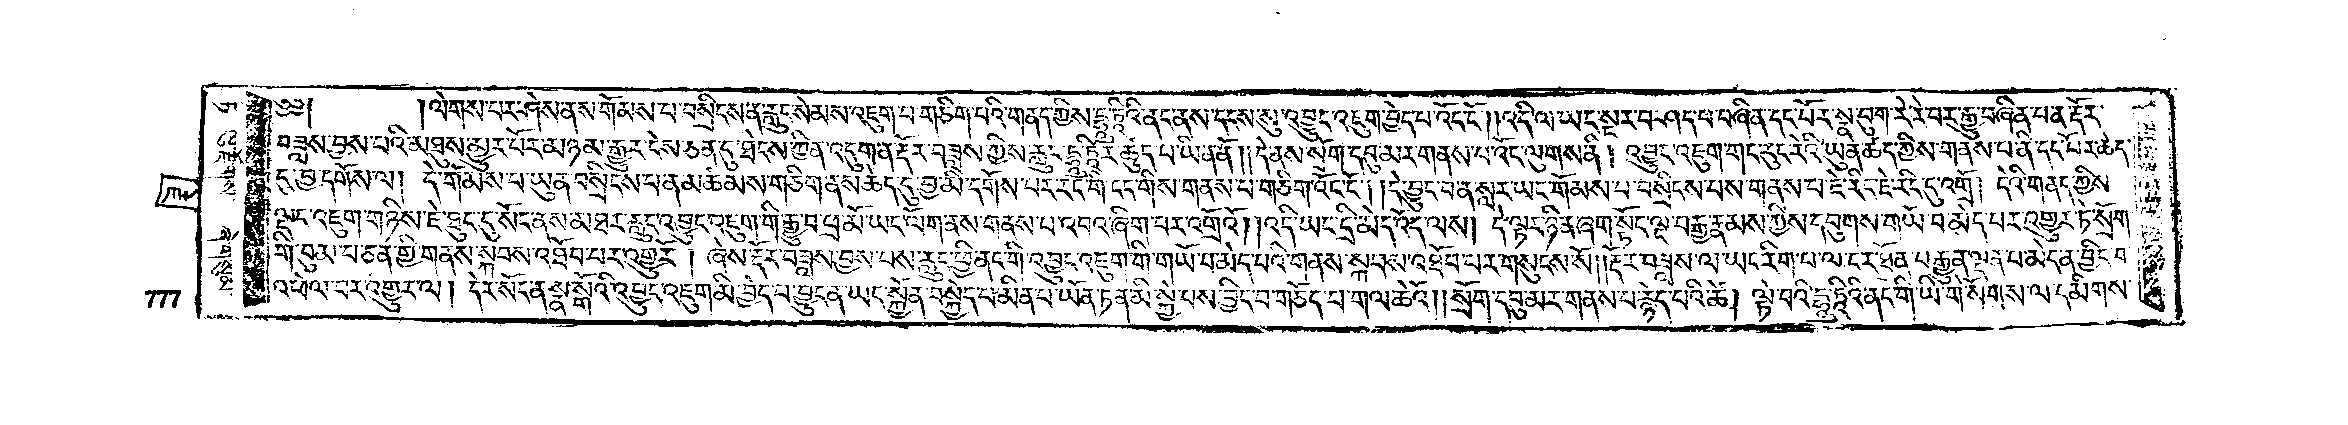༄༅། །ལེགས་པར་ཤེས་ནས་གོམས་པ་བསྲིངས་ན་རླུང་སེམས་འཇུག་པ་གཅིག་པའི་གནད་ཀྱིས་དྷཱུ་ཏཱིའི་ནང་ནས་དངོས་སུ་འབྱུང་འཇུག་བྱེད་པ་འོང་ངོ། །འདི་ལ་ཡང་སྔར་བཤད་པ་བཞིན་དང་པོར་སྣ་བུག་རེ་རེ་བར་རྒྱུ་བཞིན་པ་ན་རྡོར་
བཟླས་བྱས་པའི་མཐུས་མྱུར་པོར་མཉམ་རྒྱུར་ངེས་ཅན་དུ་ཐེངས་ཀྱིན་འདུག་ན་རྡོར་བཟླས་ཀྱིས་རླུང་དྷཱུ་ཏཱིར་ཚུད་པ་ཡིན་ནོ། །དེ་ནས་སྲོག་དབུ་མར་གནས་པ་འོང་ལུགས་ནི། འབྱུང་འཇུག་གང་རུང་རེའི་ཡུན་ཚད་ཀྱིས་གནས་པ་ནི་དང་པོར་ཆེད་
དུ་བྱ་དགོས་ལ། དེ་གོམས་པ་ཡུན་བསྲིངས་པ་ན་མཚམས་གཅིག་ནས་ཆེད་དུ་བྱ་མི་དགོས་པར་རང་གི་ངང་གིས་གནས་པ་གཅིག་འོང་ངོ། །དེ་བྱུང་བ་ན་སླར་ཡང་གོམས་པ་བསྲིངས་པས་གནས་པ་ཇེ་རིང་ཇེ་རིང་དུ་འགྲོ། དེའི་གནད་ཀྱིས་
ལྡང་འཇུག་གཉིས་ཇེ་ཐུང་དུ་སོང་ནས་མཐར་རླུང་འབྱུང་འཇུག་གི་རྒྱུ་བ་ཕྲ་མོ་ཡང་ལོག་ནས་གནས་པ་འབའ་ཞིག་པར་འགྲོའོ། དུ་བྱ་དགོས་ལ། དེ་གོམས་པ་ཡུན་བསྲིངས་པ་ན་མཚམས་གཅིག་ནས་རྣམས་ཀྱིས་དབུགས་གཡོ་བ་མེད་པར་འགྱུར་ཏེ་སྲོག་
གི་བུམ་པ་ཅན་གྱི་གནས་སྐབས་འཐོབ་པར་འགྱུར་རོ། ཞེས་རྡོར་བཟླས་བྱས་པས་རླུང་ཕྱི་ནང་གི་འབྱུང་འཇུག་གི་གཡོ་བ་མེད་པའི་གནས་སྐབས་འཐོབ་པར་གསུངས་སོ། །རྡོར་བཟླས་ལ་ཡང་རིག་པ་ལ་ངར་ཐོན་པ་རྒྱུན་ལྡན་པ་མེད་ན་བྱིང་བ་
འཕེལ་བར་འགྱུར་ལ། དེར་སོང་ན་སྣ་སྒོའི་འབྱུང་འཇུག་མི་བྱེད་པ་བྱུང་ན་ཡང་སྐྱོན་བསྐྱེད་པ་མིན་པ་ཡོན་ཏན་མི་སྐྱེ་པས་བྱིང་བ་གཅོད་པ་གལ་ཆེའོ། །སྲོག་དབུ་མར་གནས་པ་རྙེད་པའི་ཚེ། ལྟེ་བའི་དྷཱུ་ཏཱིའི་ནང་གི་ཡི་གེ་སོགས་ལ་དམིགས་